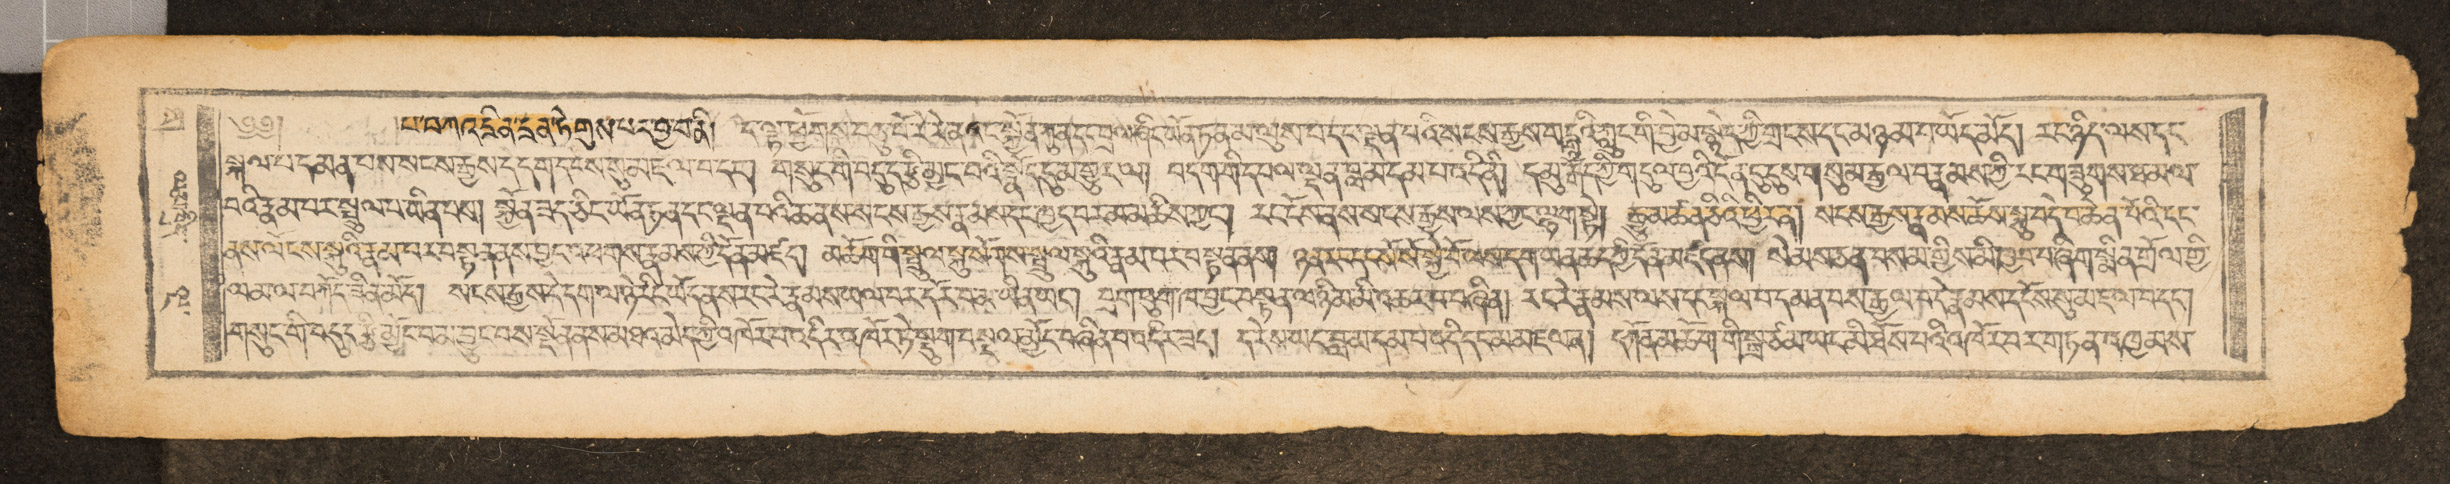༄༅། །པ་བཀའ་དྲིན་དྲན་ཏེ་གུས་པར་བྱ་བ་ནི། ད་ལྟ་ཕྱོགས་བཅུ་པོ་རེ་རེ་ནའང་སྐྱོན་ཀུན་དང་བྲལ་ཞིང་ཡོན་ཏན་མ་ལུས་པ་དང་ལྡན་པའི་སངས་རྒྱས་གངྒཱའི་ཀླུང་གི་བྱེ་མ་སྙེད་ཀྱི་གྲངས་དང་མཉམ་པ་ཡོད་མོད། རང་ཉིད་ལས་དང་
སྐལ་བ་དམན་པས་སངས་རྒྱས་དེ་དག་དངོས་སུ་མཇལ་བ་དང་། གསུང་གི་བདུད་རྩི་མྱང་བའི་སྣོད་དུ་མ་གྱུར་ལ། བདག་གི་དཔལ་ལྡན་བླ་མ་དམ་པ་འདི་ནི། དམུ་རྒོད་ཀྱི་གདུལ་བྱའི་དོན་དུ་དུས་གསུམ་རྒྱལ་བ་རྣམས་ཀྱི་རང་གཟུགས་ཐ་མལ་
བའི་རྣམ་པར་སྤྲུལ་པ་ཡིན་པས། སྐྱོན་ཟད་ཅིང་ཡོན་ཏན་དང་ལྡན་པའི་ཆ་ནས་སངས་རྒྱས་རྣམས་དང་ཁྱད་པར་མ་མཆིས་ཀྱང་། རང་ངོས་ནས་སངས་རྒྱས་ལས་ཀྱང་ལྷག་སྟེ། རྒྱུ་མཚན་ཅིའི་ཕྱིར་ན། སངས་རྒྱས་རྣམས་ཆོས་སྐུ་བདེ་བ་ཆེན་པོའི་ངང་
ནས་ལོངས་སྐུའི་རྣམ་པར་བསྟན་ནས་བྱང་འཕགས་རྣམས་ཀྱི་དོན་མཛད། མཆོག་གི་སྤྲུལ་སྐུ་སོགས་སྤྲུལ་སྐུའི་རྣམ་པར་བསྟན་ནས། ཉན་རང་དང་སོ་སོ་སྐྱེ་བོ་ལས་དག་ཡན་ཆད་ཀྱི་དོན་མཛད་ནས། སེམས་ཅན་བསམ་གྱིས་མི་ཁྱབ་པ་ཞིག་སྨིན་གྲོལ་གྱི་
ལམ་ལ་བཀོད་ཟིན་མོད། སངས་རྒྱས་དེ་དག་ལ་ཉེ་རིང་ཡོད་ནས་རང་རེ་རྣམས་ཡལ་བར་དོར་བ་མ་ཡིན་ཡང་། བྲག་ཕུག་ཁ་བྱང་བསྟན་ལ་ཉི་མ་མི་འཆར་པ་བཞིན། རང་རེ་རྣམས་ལས་དང་སྐལ་བ་དམན་པས་རྒྱལ་བ་དེ་རྣམས་དངོས་སུ་མཇལ་བ་དང་།
གསུང་གི་བདུད་རྩི་མྱོང་བ་མ་བྱུང་བས་སྔོན་ནས་མཐའ་མེད་ཀྱི་འཁོར་བ་འདིར་འཁོར་ཏེ་སྡུག་བསྔལ་མྱོང་བཞིན་པ་འདིར་ཟད། ད་རེས་ཡང་བླ་མ་དམ་པ་འདི་དང་མ་མཇལ་ན། དཀོན་མཆོག་གི་སྒྲ་ཙམ་ཡང་མི་ཐོས་བའི་འཁོར་བར་གཏན་འཁྱམས་